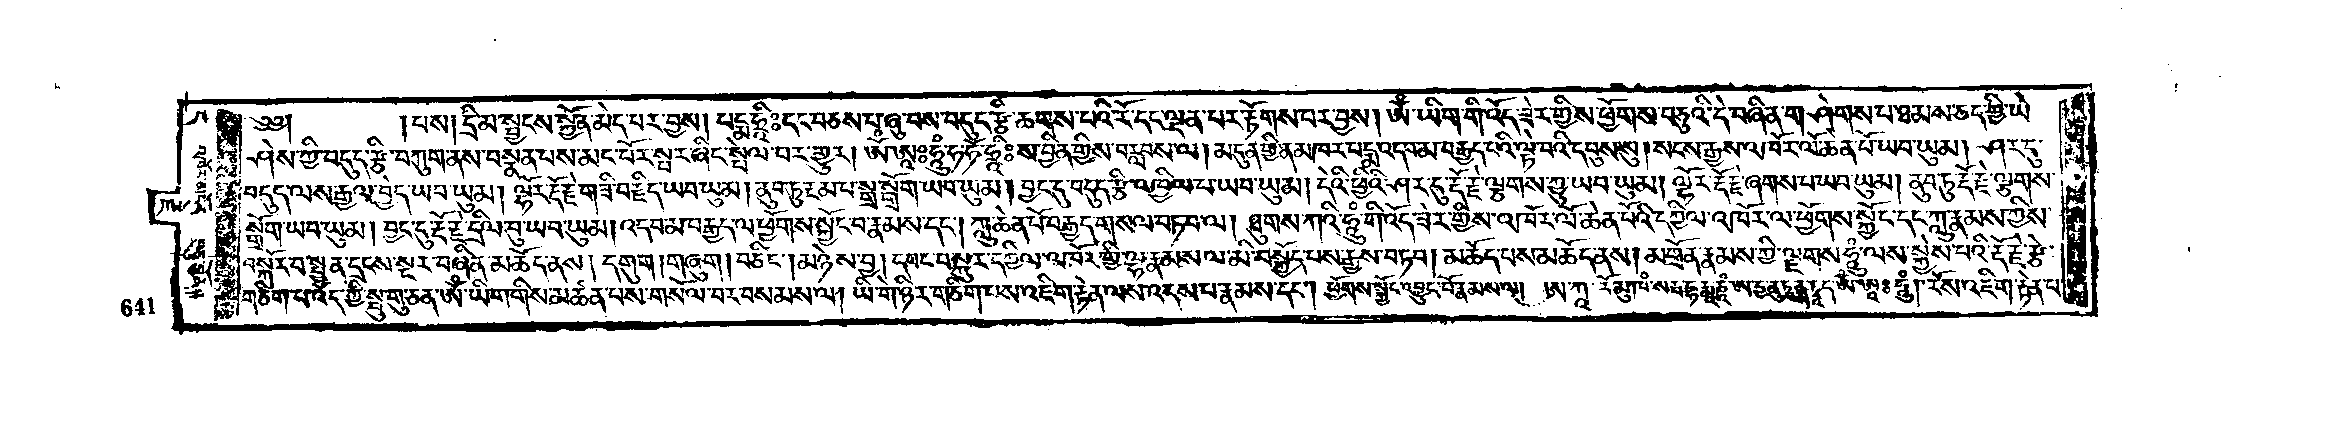༄༅། །པས། དྲི་མ་སྦྱངས་སྐྱོན་མེད་པར་བྱས། པདམ་ཧྲཱིཿ དང་བཅས་པ་ཞུ་བས་བདུད་རྩི་ཆགས་པའི་རོ་དང་ལྡན་པར་རྟོགས་པར་བྱས། ཨོཾ་ཡིག་གི་འོད་ཟེར་གྱིས་ཕྱོགས་བཅུའི་དེ་བཞིན་གཤེགས་པ་ཐམས་ཅད་ཀྱི་ཡེ་
ཤེས་ཀྱི་བདུད་རྩི་བཀུག་ནས་བསྣན་པས་མང་པོར་སྦར་ཞིང་སྤེལ་བར་གྱུར། ཨོཾ་ཨཱཿ ཧཱུཾ་ག་གོ་གྲཱིཿ ས་བྱིན་གྱིས་བརླབས་ལ། མདུན་གྱི་མན་མཁར་པདམ་འདབ་མ་བརྒྱད་པའི་ལྟེ་བའི་དབུས་སུ། སངས་རྒྱས་འཁོར་ལོ་ཆེན་པོ་ཡབ་ཡུམ། ཤར་དུ་
འདུད་ལས་རྒྱལ་བྱེད་ཡབ་ཡུམ། ལྷོར་རྡོ་རྗེ་གཟི་བརྗིད་ཡབ་ཡུ། ནུབ་ཏུ་རྔམ་པ་སྒྲ་སྒྲོག་ཡབ་ཡུམ། བྱང་དུ་བདུད་རྩི་འཁྱིལ་པ་ཡབ་ཡུམ། དེའི་ཕྱིའི་ཤར་དུ་རྡོ་རྗེ་ལྕགས་ཀྱུ་ཡབ་ཡུམ། ལྷོར་རྡོ་རྗེ་ཞགས་པ་ཡབ་ཡུམ། ནུབ་ཏུ་རྡོ་རྗེ་ལྕགས་
སྒྲོག་ཡབ་ཡུམ། བྱང་དུ་རྡོ་རྗེ་དྲིལ་བུ་ཡབ་ཡུམ། འདབ་མ་བརྒྱད་ལ་ཕྱོགས་སྐྱོང་བ་རྣམས་དང་། ཀླུ་ཆེན་པོ་བརྒྱད་གསལ་བཏབ་ལ། ཐུགས་ཀའི་ཧཱུཾ་གི་འོད་ཟེར་གྱིས་འཁོར་ལོ་ཆེན་པོའི་དཀྱིལ་འཁོར་ལ་ཕྱོགས་སྐྱོང་དང་ཀླུ་རྣམས་ཀྱིས་
བསྐོར་བ་སྤྱན་དྲངས་སྔར་བཞིན་མཆོད་ནས། དགུག །གཞུག །བཅིང་། མཉེས་བྱ། དབང་བསྐུར་དཀྱིལ་འཁོར་གྱི་ལྷ་རྣམས་ལ་མི་བསྐྱོད་པས་རྒྱས་བཏབ། མཆོད་པས་མཆོད་ནས། མགྲོན་རྣམས་ཀྱི་ལྗགས་ཧཱུཾ་ལས་སྐྱེས་པའི་རྡོ་རྗེ་རྩེ་
གཅིག་པ་འོད་ཀྱི་སྦུ་གུ་ཅན་ཨོཾ་ཡིག་གིས་མཚན་པས་གསོལ་བར་བསམས་ལ། ཡི་གེ་ཉེར་གཅིག་པས་འཇིག་རྟེན་ལས་འདས་པ་རྣམས་དང་། ཕྱོགས་སྐྱོང་འབྱུང་པོ་རྣམས་ལ། ཨ་ཀཱ་རོ་མུ་ཁཾ་སརྦ་དྷརྨཱ་ཎཱཾ་ཨ་དྱ་ཎུ་ཏྤནྨ་ཏྭཱད་ཨོཾ་ཨཱཿ ཧཱུཾ། རོས་འཇིག་རྟེན་པ་